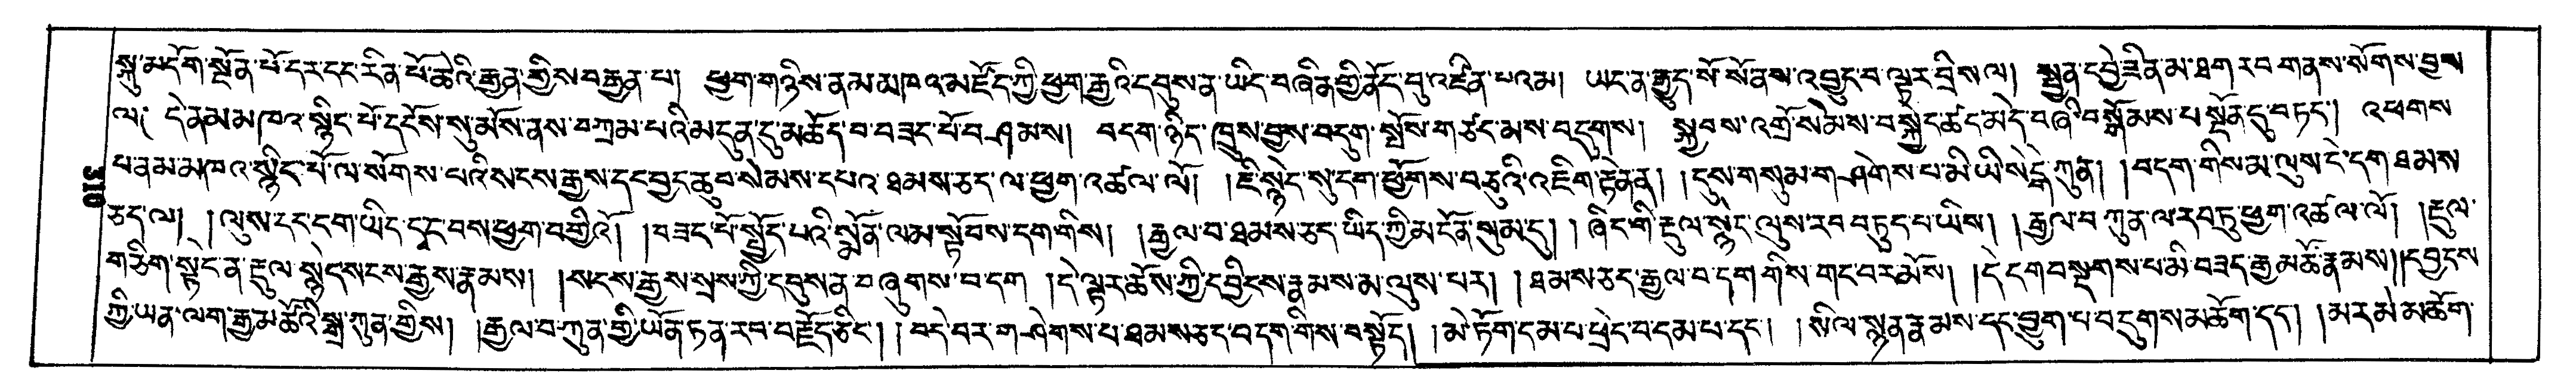སྐུ་མདོག་སྔོན་པོ་དར་དང་རིན་པོ་ཆེའི་རྒྱན་གྱིས་བརྒྱན་པ། ཕྱག་གཉིས་ནམ་མཁའ་མཛོད་ཀྱི་ཕྱག་རྒྱའི་དབུས་ན་ཡིད་བཞིན་གྱི་ནོར་བུ་འཛིན་པའམ། ཡང་ན་རྒྱུད་སོ་སོ་ནས་འབྱུང་བ་ལྟར་བྲིས་ལ། སྤྱན་དབྱེ་ཟིན་མ་ཐག་རབ་གནས་སོགས་བྱས་
ལ༑ དེ་ནམ་མཁའི་སྙིང་པོ་དངོས་སུ་མོས་ནས་བཀྲམ་པའི་མདུན་དུ་མཆོད་པ་བཟང་པོ་བཤམས། བདག་ཉིད་ཁྲུས་བྱས་བདུག་སྤོས་གཙང་མས་བདུགས། སྐྱབས་འགྲོ་སེམས་བསྐྱེད་ཚད་མེད་བཞི་བསྒོམས་པ་སྔོན་དུ་བཏང་། འཕགས་
པ་ནམ་མཁའི་སྙིང་པོ་ལ་སོགས་པའི་སངས་རྒྱས་དང་བྱང་ཆུབ་སེམས་དཔའ་ཐམས་ཅད་ལ་ཕྱག་འཚལ་ལོ། །ཇི་སྙེད་སུ་དག་ཕྱོགས་བཅུའི་འཇིག་རྟེན་ན། །དུས་གསུམ་གཤེགས་པ་མི་ཡི་སེངྒེ་ཀུན། །བདག་གིས་མ་ལུས་དེ་དག་ཐམས་
ཅད་ལ། །ལུས་དང་ངག་ཡིད་དྭང་བས་ཕྱག་བགྱིའོ། །བཟང་པོ་སྤྱོད་པའི་སྨོན་ལམ་སྟོབས་དག་གིས། །རྒྱལ་བ་ཐམས་ཅད་ཡིད་ཀྱི་མངོན་སུམ་དུ། །ཞིང་གི་རྡུལ་སྙེད་ལུས་རབ་བཏུད་པ་ཡིས། །རྒྱལ་བ་ཀུན་ལ་རབ་ཏུ་ཕྱག་འཚལ་ལོ། །རྡུལ་
གཅིག་སྟེང་ན་རྡུལ་སྙེད་སངས་རྒྱས་རྣམས། །སངས་རྒྱས་སྲས་ཀྱི་དབུས་ན་བཞུགས་པ་དག །དེ་ལྟར་ཆོས་ཀྱི་དབྱིངས་རྣམས་མ་ལུས་པར། །ཐམས་ཅད་རྒྱལ་བ་དག་གིས་གང་བར་མོས། །དེ་དག་བསྔགས་པ་མི་བཟད་རྒྱ་མཚོ་རྣམས། །དབྱངས་
ཀྱི་ཡན་ལག་རྒྱ་མཚོའི་སྒྲ་ཀུན་གྱིས། །རྒྱལ་བ་ཀུན་གྱི་ཡོན་ཏན་རབ་བརྗོད་ཅིང་། །བདེ་བར་གཤེགས་པ་ཐམས་ཅད་བདག་གིས་བསྟོད། །མེ་ཏོག་དམ་པ་ཕྲེང་བ་དམ་པ་དང་། །སིལ་སྙན་རྣམས་དང་བྱུག་པ་གདུགས་མཆོག་དང་། །མར་མེ་མཆོག་